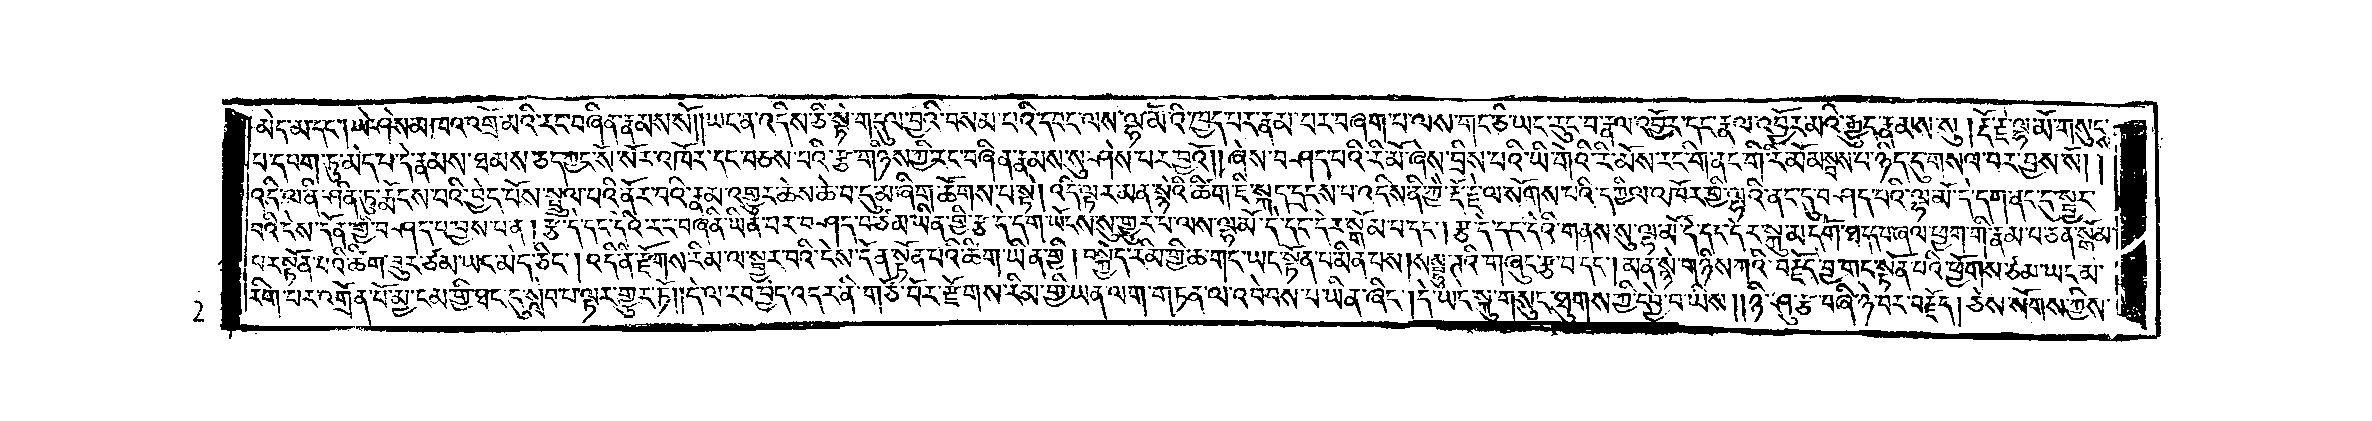མེད་མ་དང་། ཡེ་ཤེས་མཁའ་འགྲོ་མའི་རང་བཞིན་རྣམས་སོ། །ཡང་ན་འདིས་ཅི་སྟེ་གདུལ་བྱའི་བསམ་པའི་དབང་ལས་ལྷ་མོའི་ཁྱད་པར་རྣམ་པར་བཞག་པ་ལས་གང་ཅི་ཡང་རུང་བ་རྣལ་འབྱོར་དང་རྣལ་འབྱོར་མའི་རྒྱུད་རྣམས་སུ། རྡོ་རྗེ་ལྷ་མོ་གསུངས་
པ་དཔག་ཏུ་མེད་པ་དེ་རྣམས་ཐམས་ཅད་ཀྱང་སོ་སོར་འཁོར་དང་བཅས་པའི་རྩ་གཉིས་ཀྱི་རང་བཞིན་རྣམས་སུ་ཤེས་པར་བྱའོ། །ཞེས་བཤད་པའི་རི་མོ་ཞེས་བྲིས་པའི་ཡི་གེའི་རི་མོས་རང་གི་ནང་གི་རི་མོ་མ་སྦས་པ་ཉིད་དུ་གསལ་བར་བྱས་སོ། །
འདི་ལ་ནི་ཤིན་ཏུ་རྨོངས་པའི་བྱེད་པོས་སྤྲུལ་པའི་ནོར་བའི་རྣམ་འགྱུར་ཆེས་ཆེ་བ་དུ་མ་ཞིག་ཚོགས་པ་སྟེ། འདི་ལྟར་མན་སྙེའི་ཚིག་ཇི་སྐད་དྲངས་པ་འདིས་ནི་ཀྱཻ་རྡོ་རྗེ་ལ་སོགས་པའི་དཀྱིལ་འཁོར་གྱི་ལྷའི་ནང་དུ་བཤད་པའི་ལྷ་མོ་དེ་དག་ནང་དུ་སྦྱར་
བའི་ངེས་དོན་གྱི་བཤད་པ་བྱས་པ་ན། རྩ་དེ་དང་དེའི་རང་བཞིན་ཡིན་པར་བཤད་པ་ཙམ་ཡིན་གྱི་རྩ་དེ་དག་ཡོངས་སུ་གྱུར་པ་ལས་ལྷ་མོ་དེ་དང་དེར་སྒོམ་པ་དང་། རྩ་དེ་དང་དེའི་གནས་སུ་ལྷ་མོ་དེ་དང་དེར་སྐུ་མདོག་ཐ་དད་པ་ཞལ་ཕྱག་གི་རྣམ་པ་ཅན་སྒོམ་
པར་སྟོན་པའི་ཚིག་ཟུར་ཙམ་ཡང་མེད་ཅིང་། འདི་ནི་རྫོགས་རིམ་ལ་སྦྱར་བའི་ངེས་དོན་སྟོན་པའི་ཚིག་ཡིན་གྱི། བསྐྱེད་རིམ་གྱི་ཆ་གང་ཡང་སྟོན་པ་མིན་པས། སམྦྷུ་ཊའི་གཞུང་རྩ་བ་དང་། མན་སྙེ་གཉིས་ཀའི་བརྗོད་བྱ་གང་སྟོན་པའི་ཕྱོགས་ཙམ་ཡང་མ་
རིག་པར་འགྲོན་པོ་མྱ་ངམ་གྱི་ཐང་དུ་སླེབ་པ་ལྟར་གྱུར་ཏོ། །དེ་ལ་རབ་བྱེད་འདར་ནི་གཙོ་བོར་རྫོགས་རིམ་གྱི་ཡན་ལག་གཏན་ལ་འབེབས་པ་ཡིན་ཞིང་། དེ་ཡང་སྐུ་གསུང་ཐུགས་ཀྱི་དབྱེ་བ་ཡིས། །ཉི་ཤུ་རྩ་བཞི་ཉེ་བར་བརྗོད། ཅེས་སོགས་ཀྱིས་